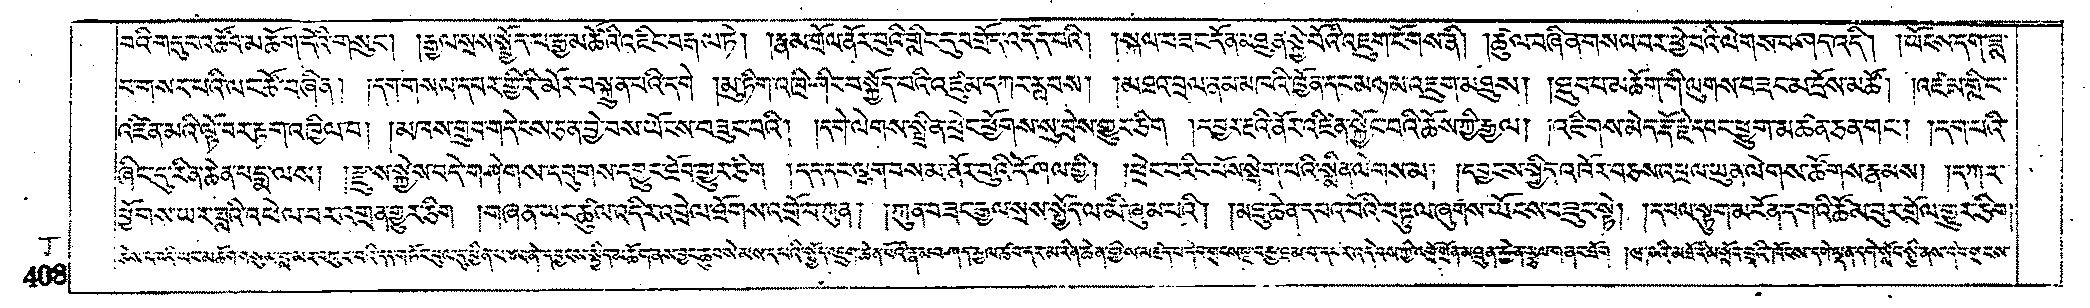བའི་གདུང་འཚོབ་མཆོག་དེའི་གསུང་། །རྒྱལ་སྲས་སྤྱོད་པ་རྒྱ་མཚོའི་འཇིང་བརྒལ་ཏེ། །རྣམ་གྲོལ་ནོར་བུའི་གླིང་དུ་བགྲོད་འདོད་པའི། །སྐལ་བཟང་དོན་མཐུན་སྐྱེ་བོའི་འཇུག་ངོགས་ནི། །ཚུལ་བཞིན་གསལ་བར་ཕྱེ་བའི་ལེགས་བཤད་འདི། ། ཡོངས་དག་ཟླ
བ་གསར་པའི་ལང་ཚོ་བཞིན། །དག་གསལ་དཔར་གྱི་རི་མོར་བསྐྲུན་པའི་དགེ །མུ་ཏིག་འཁྲི་ཤིང་བསྐྱོད་པའི་འཛུམ་དཀར་རླབས། །མཐའ་བྲལ་ནམ་མཁའི་ཁྱོན་དང་མཉམ་འཇུག་མཐུས། །ཐུབ་པ་མཆོག་གི་ལུགས་བཟང་མ་དྲོས་མཚོ། །འཛམ་གླིང་་་
འཛིན་མའི་ལྟོ་བར་རྟག་འཁྱིལ་བ། །མཁས་གྲུབ་གདེངས་ཅན་བྱེ་བས་ཡོངས་བཟུང་བའི། །དགེ་ལེགས་སྤྲིན་ཕྲེང་ཕྱོགས་སུ་བྲེས་གྱུར་ཅིག །དབྱར་རྔའི་ནོར་འཛིན་སྐྱོང་བའི་ཆོས་ཀྱི་རྒྱལ། །འཇིགས་མེད་རྡོ་རྗེ་དབང་ཕྱུག་མཚན་ཅན་གང་། །དག་པའི་
ཞིང་དུ་རིན་ཆེན་པདམ་ལས། །རྫུས་སྐྱེས་བདེ་གཤེགས་དབུགས་དབྱུང་ཐོབ་གྱུར་ཅིག །དད་དང་ལྷག་བསམ་ནོར་བུའི་དོ་ཤལ་གྱི། །ཕྲེང་བ་རིང་པོས་སྒེག་པའི་སྨིན་ལེགས་མ། །དབྱངས་སྐྱིད་འཁོར་བཅས་འཕྲལ་ཡུན་ལེགས་ཚོགས་རྣམས། །དཀར་
ཕྱོགས་ཡར་ཟླའི་འཕེལ་བར་འགྲན་གྱུར་ཅིག །གཞན་ཡང་ཚུལ་འདིར་འབྲེལ་ཐོགས་འགྲོ་བ་ཀུན། །ཀུན་བཟང་རྒྱལ་སྲས་སྤྱོད་ལ་མི་ཞུམ་པའི། །མཐུ་ཆེན་དཔའ་བོའི་བརྟུལ་ཞུགས་ཡོངས་བཟུང་སྟེ། །དཔལ་སྟུག་མངོན་དགའི་ཚོམ་བུར་གྲོལ་གྱུར་ཅིག །
ཅེས་པ་འདི་ཡང་མཆོག་གསུམ་བླ་མར་བཀུར་བའི་དད་གཏོང་ཕུལ་དུ་ཕྱིན་པ་ཨ་ཞེ་དབྱངས་སྐྱིད་མཆོག་ནས་བྱང་ཆུབ་སེམས་དཔའི་སྤྱོད་འཇུག་ཆེན་པོའི་རྣམ་བཤད་རྒྱལ་ཚབ་དར་མ་རིན་ཆེན་གྱིས་མཛད་པ་དེབ་གྲངས་ལྔ་བརྒྱ་ཐམ་པ་དཔར་འདེབས་ཀྱི་འགྲོ་གྲོན་མཐུན་རྐྱེན་སྩལ་གནང་ཐོག །ཝ་ཎཱི་མཐོ་རིམ་སློབ་གྲྭའི་ཁོངས་དགེ་ལྡན་དགེ་སློབ་སྤྱི་ནས་དེབ་གྲངས་